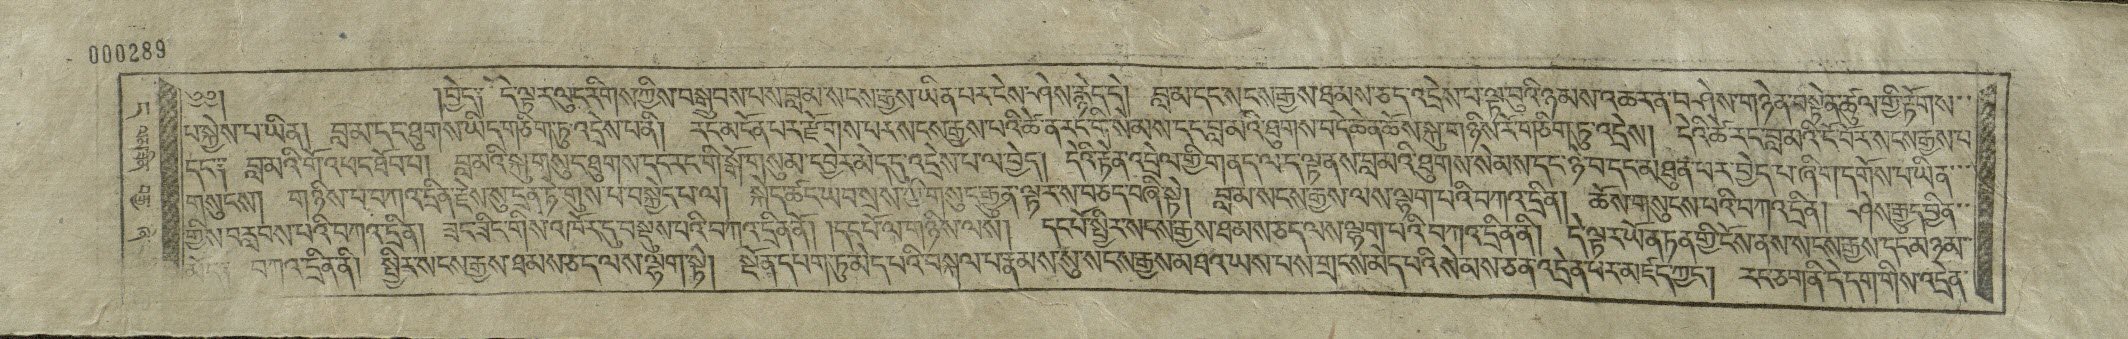༄༅། །བྱེད༑ དེ་ལྟར་ལུང་རིགས་ཀྱིས་བསྒྲུབས་པས་བླ་མ་སངས་རྒྱས་ཡིན་པར་ངེས་ཤེས་རྙེད་དེ། བླ་མ་དང་སངས་རྒྱས་ཐམས་ཅད་འདྲེས་པ་ལྟ་བུའི་ཉམས་འཆར་ན་བཤེས་གཉེན་བསྟེན་ཚུལ་གྱི་རྟོགས་
པ་སྐྱེས་པ་ཡིན། བླ་མ་དང་ཐུགས་ཡིད་གཅིག་ཏུ་འདྲེས་པ་ནི། རང་མངོན་པར་རྫོགས་པར་སངས་རྒྱས་པའི་ཚེ་ན་རང་གི་སེམས་དང་བླ་མའི་ཐུགས་བདེ་ཆེན་ཆོས་སྐུ་གཉིས་རོ་གཅིག་ཏུ་འདྲེས། དེའི་ཚེ་རང་བླ་མའི་ངོ་བོར་སངས་རྒྱས་པ་
དང༑ བླ་མའི་གོ་འཕང་ཐོབ་པ། བླ་མའི་སྐུ་གསུང་ཐུགས་དང་རང་གི་སྒོ་གསུམ་དབྱེར་མེད་དུ་འདྲེས་པ་ལ་བྱེད། དེའི་རྟེན་འབྲེལ་གྱི་གནད་ལ་ད་ལྟ་ནས་བླ་མའི་ཐུགས་སེམས་དང་ཉེ་བ་དང་མཐུན་པར་བྱེད་པ་ཞིག་དགོས་པ་ཡིན་
གསུངས། གཉིས་པ་བཀའ་དྲིན་རྗེས་སུ་དྲན་ཏེ་གུས་པ་བསྐྱེད་པ་ལ། སྐེད་ཚང་ཡབ་སྲས་ཀྱི་གསུང་རྒྱུན་ལྟར་ས་བཅད་བཞི་སྟེ། བླ་མ་སངས་རྒྱས་ལས་ལྷག་པའི་བཀའ་དྲིན། ཆོས་གསུངས་པའི་བཀའ་དྲིན། ཤེས་རྒྱུད་བྱིན་
གྱིས་བརླབས་པའི་བཀའ་དྲིན། ཟང་ཟིང་གིས་འཁོར་དུ་བསྡུས་པའི་བཀའ་དྲིན་ནོ། །དང་པོ་ལ་གཉིས་ལས། དང་པོ་སྤྱིར་སངས་རྒྱས་ཐམས་ཅད་ལས་ལྷག་པའི་བཀའ་དྲིན་ནི། དེ་ལྟར་ཡོན་ཏན་གྱི་ངོས་ནས་སངས་རྒྱས་དང་མཉམ་
མོད༑ བཀའ་དྲིན་ནི། སྤྱིར་སངས་རྒྱས་ཐམས་ཅད་ལས་ལྷག་སྟེ། སྔོན་དཔག་ཏུ་མེད་པའི་བསྐལ་པ་རྣམས་སུ་སངས་རྒྱས་མཐའ་ཡས་པས་གྲངས་མེད་པའི་སེམས་ཅན་འདྲེན་པར་མཛད་ཀྱང་། རང་ཅག་ནི་དེ་དག་གིས་འདྲེན་